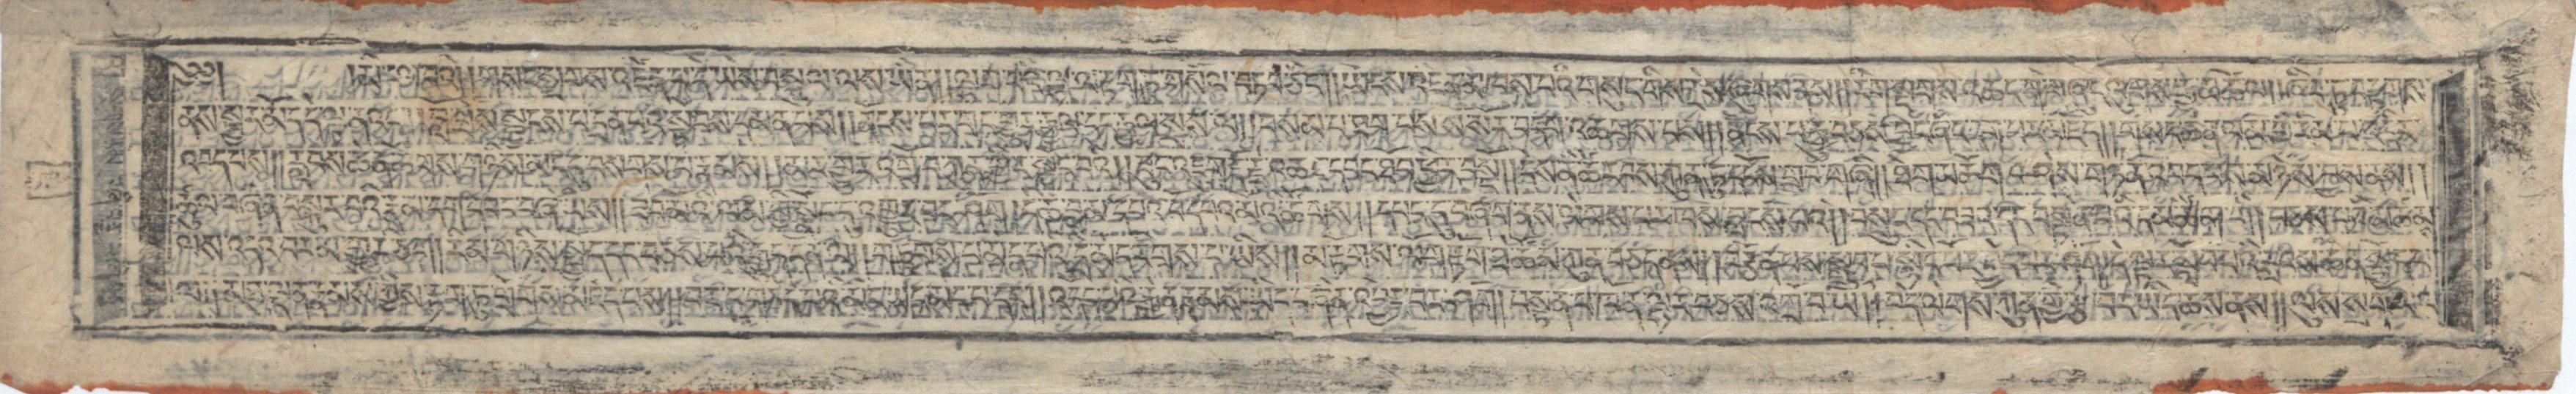༄༅། །མི་ངལ་བའི། །གསང་སྔགས་འཛིན་པ་དེ་ཡིས་བསྐུལ་ལས་ཡིན། །ལྷག་པའི་ལྷ་ལ་རྟག་ཏུ་གསོལ་བཏབ་ཅིང་། །ཡོངས་འཛིན་མཁས་པའི་གསུང་གིས་རྗེས་ཞུགས་ནས། །རིག་སྔགས་འཆང་གི་གཞུང་ལུགས་རྒྱ་མཚོ་ལ། །ཞིབ་ཏུ་བརྟགས་
ནས་སྦྱར་མོད་དེ་ལྟ་ནའང་། །བློ་གྲོས་སྦྱངས་པ་དྲན་པའི་སྟོབས་དམན་པས། །ནོངས་པར་གང་གྱུར་རྒྱལ་དང་རྒྱལ་སྲས་ལ། །བསམ་པ་ཐག་པས་སོ་སོར་བདག་འཆགས་པས། །ནོངས་པ་རྒྱུ་བཅས་བྱང་ཞིང་དག་པར་མཛོད། །གསང་ཆེན་ལམ་གྱི་རིམ་པ་འདིར་
འབད་པས། །རླབས་ཆེན་ཚོགས་གཉིས་མང་དུ་བསགས་པ་རྣམས། །མར་གྱུར་འགྲོ་བ་ཀུན་གྱི་རེ་སྐོང་བའི། །ཟུང་འཇུག་རྡོ་རྗེ་འཆང་དབང་ཐོབ་ཕྱིར་བསྔོ། །དེས་ནི་ཚེ་རབས་ཀུན་ཏུ་དངོས་གྲུབ་གཞི། །ཐེག་མཆོག་བཤེས་གཉེན་འབད་པས་མཉེས་བྱས་ནས། །
ཚུལ་བཞིན་བསྐུར་བའི་རྣམ་དག་དབང་བཞི་ཡིས། །ཟབ་མོའི་ལམ་གྱི་སྣོད་དུ་འགྱུར་བར་ཤོག །དེ་ཚེ་བླ་མ་དཔའ་བོ་དཔའ་མོའི་ཚོགས། །དབང་དུ་བཞག་ནས་ལེགས་པར་ཁས་བླངས་པའི། །བསྲུང་དང་བཟའ་དང་བསྟེན་པའི་དམ་ཚིག་གི །བཅས་པའི་མཚམས་
ལས་འདའ་བར་མ་གྱུར་ཅིག །རིམ་གཉིས་སྤྱོད་དང་བཅས་པའི་རྒྱུད་དོན་ལ། །གཏུགས་པ་མེད་པའི་དྲི་མེད་རིགས་པ་ཡིས། །མ་རྟོགས་ལོག་རྟོག་ཐེ་ཚོམ་ཀུན་བཅད་ནས། །བརྩོན་པས་སྒྲུབ་པ་སྙིང་པོར་བྱེད་པར་ཤོག །དེ་ལྟར་སློབ་པའི་རླབས་ཆེན་སྤྱོད་པ་
ལ། །མཐུ་ལྡན་རྣམས་ཀྱིས་རྟག་ཏུ་གྲོགས་མཛད་པས། །བར་དུ་གཅོད་པའི་མིང་ཡང་མེད་པ་དང་། །འདོད་པའི་རྐྱེན་རྣམས་ཡིད་བཞིན་འབྱོར་བར་ཤོག །བསྟན་པ་ཁོ་ན་ལྷར་བཅས་འགྲོ་བ་ཡི། །བདེ་ལེགས་ཀུན་གྱི་རྩ་བར་ཡིད་ཆས་ནས། །ལུས་སྲོག་ཡལ་